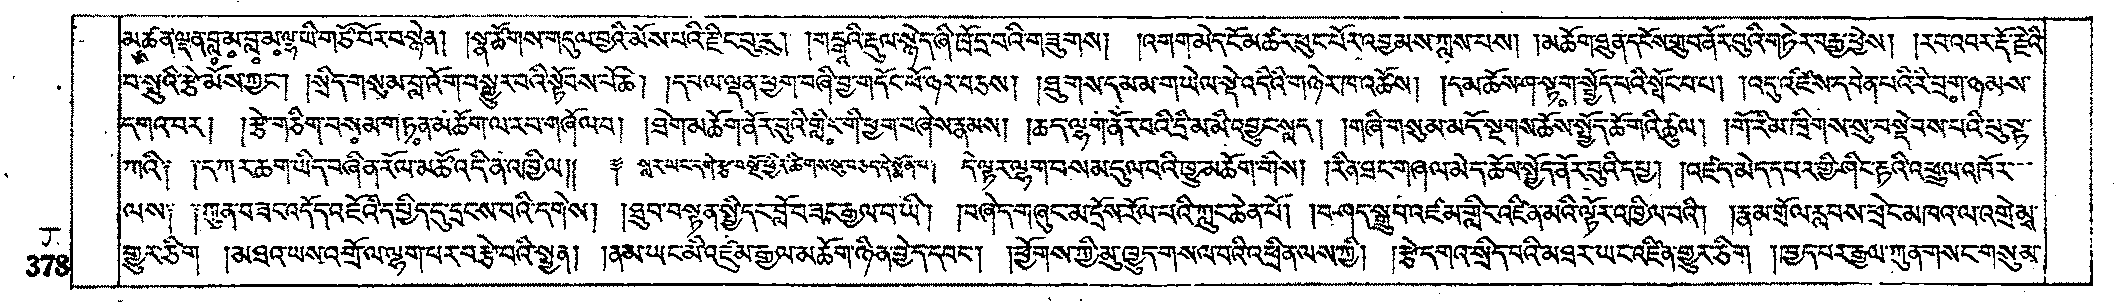མཚན་ལྡན་བླ྾་མ྾་བླ྾་མ྾་ལྷ་ཡི་གཙོ་བོར་བསྙེན། །སྣ་ཚོགས་གདུལ་བྱའི་མོས་པའི་རྫིང་བུ་རུ། །གངྒཱའི་རྡུལ་སྙེད་ཞི་ཁྲོ་དྲ་བའི་གཟུགས། །འགག་མེད་ངོ་མཚར་ཕུང་པོར་འབྱམས་ཀླས་པས། །མཆོག་ཐུན་དངོས་གྲུབ་ནོར་བུའི་གཏེར་བརྒྱ་ཕྱེས། །རབ་འབར་རྡོ་རྗེའི་
བ་སྤུའི་རྩེ་མོས་ཀྱང་། །སྲིད་གསུམ་བླ་འོག་བསྒྱུར་བའི་སྟོབས་པོ་ཆེ། །དཔལ་ལྡན་ཕྱག་བཞི་ཡ་གདོང་ཕོ་ཉར་བཅས། །ཐུགས་དམ་མ་གཡེལ་སྡེ་འདིའི་གཉེར་ཁ་འཚོས། །དམ་ཆོས་ཤ་སྟག྾་སྤྱོད་པའི་སྤོང་བ་པ། །འདུ་འཛིས་དབེན་པའི་རི་བྲག྾་ཉམྶ་་་
དགའ་བར། །རྩེ་གཅིག་བསམ྾་གཏན྾་མཆོག་ལ་རབ་གཞོལ་བ། །ཐེག་མཆོག་ནོར་བུའི་གླིང྾་གི་ཕྱག་བཞེས་རྣམས། །ཆད་ལྷག་ནོར་བའི་དྲི་མ་མི་འབྱུང་སླད། །གཞི་གསུམ་མདོ་སྔགས་ཆོས་སྤྱོད་ཆོ་གའི་ཚུལ། །གོ་རིམས་ཁྲིགས་སུ་བསྡེབས་པའི་པུསྟ་
ཀའི༑ ༑དཀར་ཆག་ཡིད་བཞིན་རོལ་མཚོ་འདི་ན་འཁྱིལ།། འ་སླར་ཡང་དགེ་རྩ་བསྔོ་ཕྱིར་ཚིགས་སུ་བཅད་དེ་སྨོན་པ།  དེ་ལྟར་ལྷག་བསམ་དུལ་བའི་ཁྱུ་མཆོག་གིས། །རིན་ཐང་གཞལ་མེད་ཆོས་སྤྱོད་ནོར་བུའི་དཔྱ། །འཛད་མེད་དཔར་གྱི་ཤིང་རྟའི་འཕྲུལ་འཁོར་་་
ལས༑ ༑ཀུན་བཟང་འདོད་འཇོའི་དཔྱིད་དུ་དྲངས་བའི་དགེས། །ཐུབ་བསྟན་སྤྱི་དང་བློ་བཟང་རྒྱལ་བ་ཡི། །བཞེད་གཞུང་མ་དྲོས་རོལ་པའི་ཀླུང་ཆེན་པོ། །བསད་སྒྲུབ་འཛམ་གླིང་འཛིན་གླིང་འཛིན་མའི་ལྟོར་འཁྱིལ་བའི། །རྣམ་གྲོལ་རླབས་ཕྲེང་མཁའ་ལ་འགྲེམས་
གྱུར་ཅིག །མཐའ་ཡས་འགྲོ་ལ་ལྷག་པར་བརྩེ་བའི་སྤྱན། །ནམ་ཡང་མི་འཛུམ་རྒྱལ་མཆོག་ཉིན་བྱེད་དབང་། །ཕྱོགས་ཀྱི་མུ་ཁྱུད་གསལ་བའི་འཕྲིན་ལས་ཀྱི། །རྩེ་དགའ་སྲིད་པའི་མཐར་ཡང་འཛིན་གྱུར་ཅིག །ཁྱད་པར་རྒྱལ་ཀུན་གསང་གསུམ་